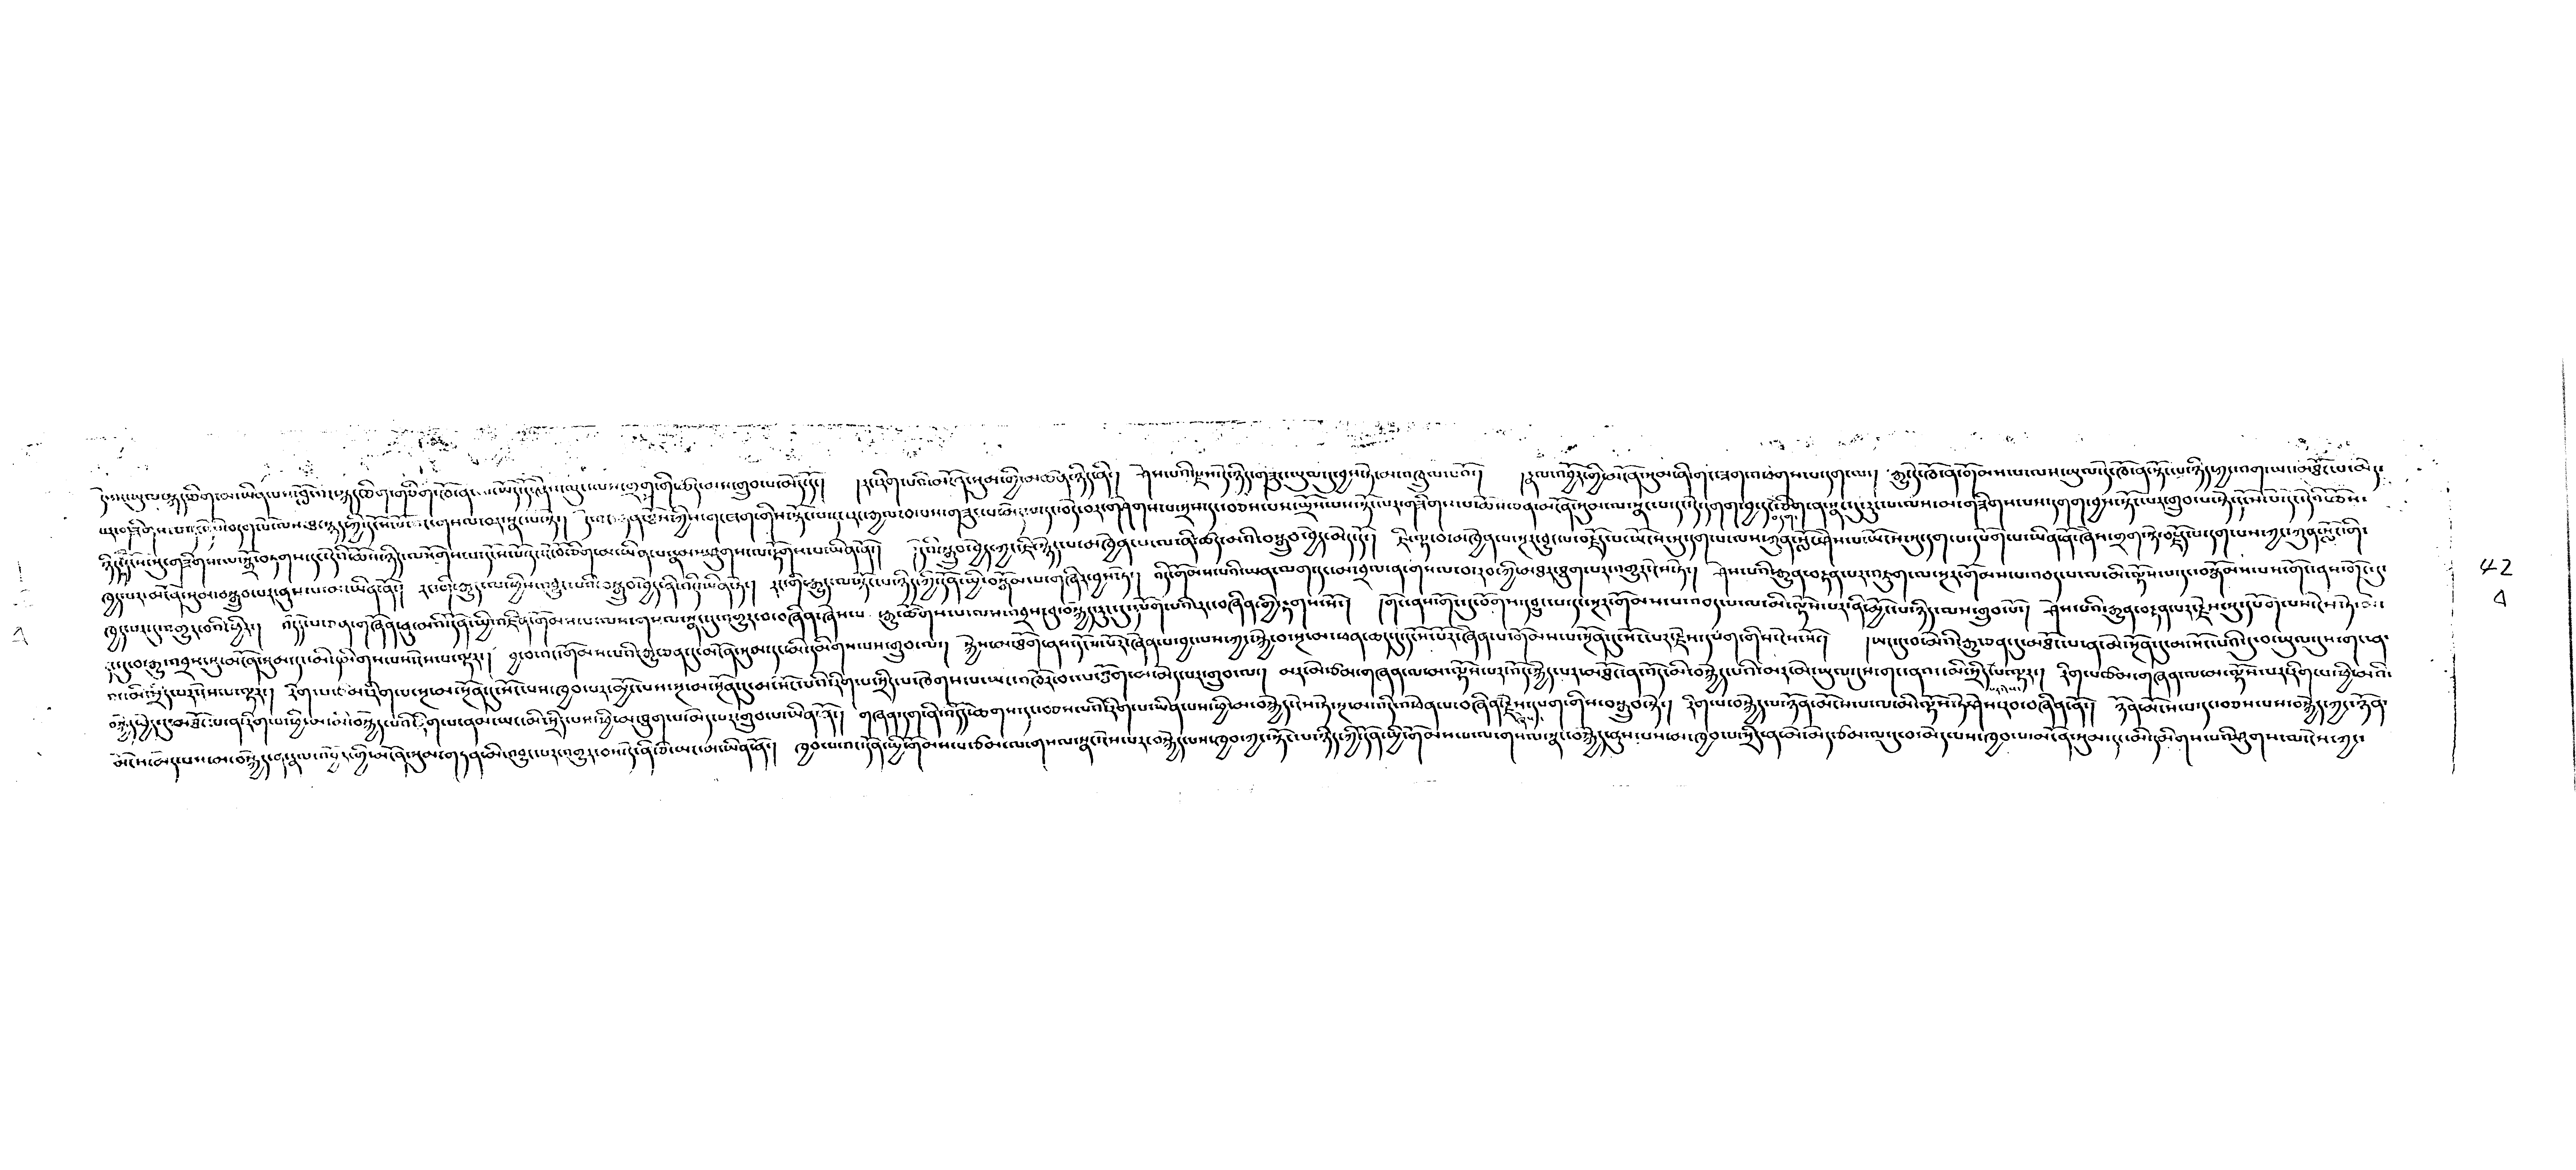དེ་འང་ཡུལ་སྐད་ཅིག་མ་ཡིན་པས་བློ་འང་སྐད་ཅིག་གཅིག་ཁོ་ན་ལ་ཡོད་དོ་ཞེས་ལུང་ལས་གྲགས་གི་ཚད་མས་གྲུབ་པ་མེད་དོ། །རང་རིག་པའི་མངོན་སུམ་གྱི་མཚན་ཉིད་ནི། ཤེས་པའི་རྫས་དེ་ཉིད་གཟུང་ཡུམ་དུ་བྱས་ཏེ་མ་འཁྲུལ་པའོ། །རྣལ་འབྱོར་གྱི་མངོན་སུམ་ནི་གང་ཟག་འཕགས་པ་དག་ལ། རྒྱུ་དེ་ཁོ་ན་གོམས་པ་ལས་ཡུལ་དེ་ཁོ་ན་སྟོང་པ་ཉིད་ཀྱང་བག་ཡང་མཐོང་པ་མེད་
པར་གཟིགས་པ་དང?་པོ་བདག་པོ་ལས་ཐ་སྙད་ཀྱི་དངོས་པོ་ཡང་གསལ་བར་སྣང་པ་སྟེ། དེ་འང་ཉན་ཐོས་ཀྱིས་གང་ཟག་གིས་སྟོང་པ་དང་རང་རྒྱལ་བ་པས་གཟུང་པ་མེད་པ་དང་བདེ་བར་གཤེགས་པ་སྲས་དང་བཅས་པས་སྤྲོས་པས་སྟོང་པར་གཟིགས་པ་ཆོས་ཅན་མངོན་སུམ་ལ་སྣང་པ་དང་དེ་དགག་བྱ་དང་བདག་ཅིག་ན་སྣང་དུ་རུང་པ་ལས་མ་གཟིགས་པས་དགག་བྱས་སྟོང་པར་གྲུབ་པ་སྟེ་དངོས་པོ་དང་དེའི་ཆོས་
ཉིད་དངོས་སུ་གཟིགས་ལ་སྒྲོ་བཏགས་དང་དེའི་ཆོས་ཉིད་ལ་སོགས་པ་དངོས་པོ་དང་ངོ་བོ་ཅིག་མ་ཡིན་པ་རྣམས་ཤུགས་ལ་རྟོགས་པ་ཡིན་ནོ། །དེའི་སྒྲུབ་བྱེད་ཀྱང་ཇི་སྙེད་པ་མཁྱེན་པ་ལ་ནི་ཚད་མའི་བསྒྲུབ་བྱེད་མེད་དོ། ཇི་ལྟ་བ་མཁྱེན་པ་སྔར་བྱུང་པ་བརྗོད་པ་ཡོངས་སུ་དག་པ་ལས་ཀུན་སློང་ཤེས་པ་ཡོངས་སུ་དག་པ་དཔོག་པ་ཡིན་ནོ་ཞེས་གྲག་སྟེ་བརྗོད་པ་དག་པས་ཀྱང་ཀུན་སློང་གི་
ཁྱད་པར་མངོན་སུམ་བསྒྲུབ་པར་ནུས་པ་མ་ཡིན་ནོ། རང་གི་རྒྱུད་ལ་ཕྱིས་འབྱུང་པའི་བསྒྲུབ་བྱེད་ནི་འདི་ཡིན་ཏེ། རང་གི་རྒྱུད་ལ་སྟོང་པ་ཉིད་ཀྱི་དོན་སྤྱི་བསྒོམ་པ་གཞིར་བྱས་ཏེ། འདི་གོམས་པའི་ཡན་ལག་དང་མ་བྲལ་ན་གསལ་བ་རབ་ཀྱི་མཐར་ཐུག་པར་འགྱུར་ངེས་ཏེ། ཤེས་པའི་རྒྱུན་བརྟན་པར་འཇུག་ལ་སྔར་གོམས་པ་འབད་པ་ལ་མི་ལྟོས་པ་དང་བསྒོམས་པས་གོང་ནས་གོང་དུ་
ཁྱད་པར་དུ་འགྱུར་བའི་ཕྱིར། འདོད་པ་ཅན་གཞོན་ནུ་མའི་དོན་སྤྱི་འཛིན་གོམས་པ་ལས་གསལ་སྣང་དུ་འགྱུར་བ་བཞིན་ཞེས་པ་རྒྱུ་ཚོགས་པ་ལས་འབྲས་བུ་བསྐྱེད་རུང་དུ་དཔོག་པའི་རང་བཞིན་གྱི་རྟགས་སོ། །གོང་ནས་གོང་དུ་བོགས་དབྱུང་པ་དང་སྔར་གོམས་པ་འབད་པ་ལ་མི་ལྟོས་པར་ནི་མྱོང་པ་ཉིད་ལས་གྲུབ་པོ། ཤེས་པའི་རྒྱུན་བརྟན་པར་རྗེས་སུ་དཔོག་པས་ངེས་ཏེ་མེ་
དང་དུ་བ་རྒྱུ་འབྲས་སུ་མངོན་སུམ་དང་མི་དམིགས་པས་ངེས་པ་ལྟར། བྱ་བ་འང་གོམས་པའི་རྒྱུ་ཅན་དུ་མངོན་སུམ་དང་མི་དམིགས་པས་གྲུབ་ལ། སྐྱེས་མ་ཐོག་ནས་དངོས་པོར་ཞེན་པ་བྱང་པས་ཀྱང་སྐྱེ་བ་སྔ་མ་ཕན་ཆད་དུ་དངོས་པོར་ཞེན་པ་གོམས་པ་སྔོན་དུ་སོང་པར་རྗེས་དཔག་གིས་ངེས་སོ། །ཡང་དུ་བ་མེའི་རྒྱུ་ཅན་དུ་མཐོང་པ་ན་མེ་སྔོན་དུ་མ་སོང་པའི་དུ་བ་ཡུལ་དུས་གང་ན་
ལ་མི་སྲིད་པར་ངེས་པ་ལྟར། རིག་པ་ཙམ་རིག་པ་སྔ་མ་སྔོན་དུ་སོང་པས་ཁྱབ་པར་མྱོང་པས་སྔ་མ་སྔོན་དུ་མ་སོང་པའི་རིག་པ་སྲིད་པ་ཁེགས་པ་ཡང་འཁོར་བ་ལ་ཐོག་མ་མེད་པར་གྲུབ་ལ། མར་མེ་ཙམ་གཞན་ལ་མ་ལྟོས་པར་འོད་སྐྱེད་པར་མཐོང་ན་འོད་མི་བསྐྱེད་པའི་མར་མེ་ཡུལ་དུས་གང་ནའང་མི་སྲིད་པ་ལྟར། རིག་པ་ཙམ་གཞན་ལ་མ་ལྟོས་པར་རིག་པ་ཕྱི་མའི་
བསྐྱེད་བྱེད་དུ་མཐོང་པ་ན་རིག་པ་ཕྱི་མ་མི་བསྐྱེད་པའི་རིག་པ་ནམ་ཡང་མི་སྲིད་པས་ཕྱི་མ་ཐུག་པ་མེད་པར་གྲུབ་པ་ཡིན་ནོ། གཞན་དག་ནི་འདོད་ཆགས་དང་བཅས་པའི་རིག་པ་ཡིན་པས་ཕྱི་མ་བསྐྱེད་ངེས་ཏེ་སྔ་མ་འདི་འཕེན་པ་བཞིན་ཞེས་རྗེས་དཔག་གིས་བསྒྲུབ་སྟེ། རིག་པ་བསྐྱེད་པ་ཉོན་མོངས་པ་ལ་མི་ལྟོས་ཏེ་ཤེས་རབ་བཞིན་ནོ། ཉོན་མོངས་པ་དང་བཅས་པས་བསྐྱེད་ཀྱང་ཉོན་
མོངས་མེད་པས་མ་བསྐྱེད་ན་རྣལ་འབྱོར་གྱི་མངོན་སུམ་གཏན་མི་འབྱུང་པར་འགྱུར་བས་དེ་ནི་ཅི་ཡང་མ་ཡིན་ནོ། ཁྱབ་པ་འང་དོན་སྤྱི་གོམས་པ་ཙམ་ལ་གསལ་སྣང་ངེས་པར་བསྐྱེད་པས་ཁྱབ་ཀྱང་སྟོང་པ་ཉིད་ཀྱི་དོན་སྤྱི་གོམས་པ་ལ་གསལ་སྣང་བསྐྱེད་ནུས་པས་མ་ཁྱབ་པ་སྲིད་ན་མེ་མེད་ཙམ་ལ་དུ་བ་མེད་ལས་ཁྱབ་པ་མངོན་སུམ་དང་མི་དམིགས་པའི་ཤུགས་མ་ངེས་ཀྱང་